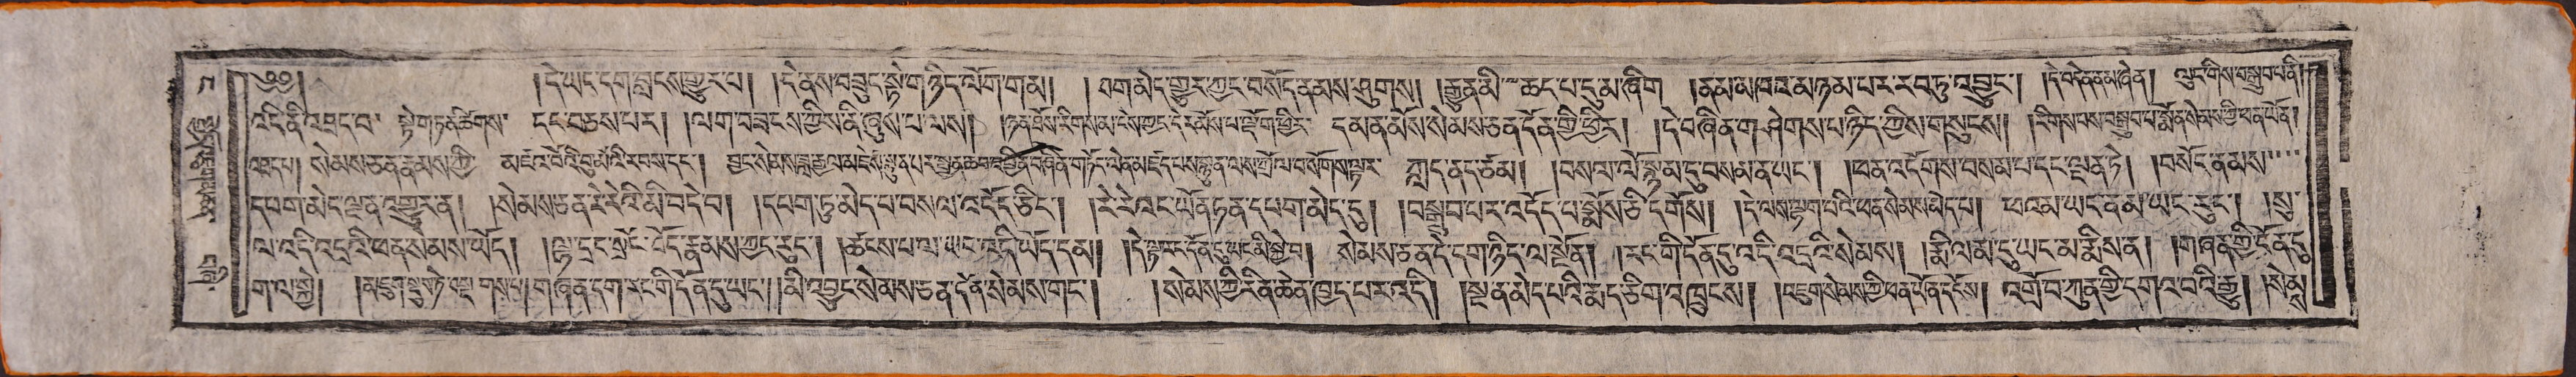༄༅། །དེ་ཡང་དག་བླངས་གྱུར་པ། །དེ་ནས་བཟུང་སྟེ་གཉིད་ལོག་གམ། །བག་མེད་གྱུར་ཀྱང་བསོད་ནམས་ཤུགས། །རྒྱུན་མི་འཆད་པ་དུ་མ་ཞིག །ནམ་མཁའ་མཉམ་པར་རབ་ཏུ་འབྱུང་། །དེ་བདེན་ནམ་ཞེ་ན། ལུང་གིས་བསྒྲུབ་ཡིན
འདི་ནི་འཐད་པ་སྟེ་གཏན་ཚིགས་དང་བཅས་པར། ༑ལག་བཟངས་ཀྱིས་ནི་ཞུས་པ་ལས། །ཉན་ཐོས་རིགས་མ་ངེས་ཀྱང་དེར་མོས་པ་ལྡོག་ཕྱིར་དམན་མོས་སེམས་ཅན་དོན་གྱི་ཕྱིར། །དེ་བཞིན་གཤེགས་པ་ཉིད་ཀྱིས་གསུངས། །རིགས་པས་བསྒྲུབ་བ་སྨོན་སེམས་ཀྱི་ཕན་ཡོན་
འཐད་པ། སེམས་ཅན་རྣམས་ཀྱི་མཛའ་བོའི་བུ་མོའི་རབས་དང་། བྱང་སེམས་ཟླ་རྒྱལ་མཛེས་སྙུན་པར་སྤྱན་ཆབ་འབྱིན་བཞིན་གཏོང་ལེན་མཛད་པས་སྙུན་ལས་གྲོལ་བ་སོགས་ལྟར་ཀླད་ནད་ཙམ། །བསལ་ལོ་སྙམ་དུ་བསམ་ན་ཡང་། །ཕན་འདོགས་བསམ་པ་དང་ལྡན་ཏེ། །བསོད་ནམས་
དཔག་མེད་ལྡན་འགྱུར་ན། །སེམས་ཅན་རེ་རེའི་མི་བདེ་བ། །དཔག་ཏུ་མེད་པ་བསལ་འདོད་ཅིང་། །རེ་རེའང་ཡོན་ཏན་དཔག་མེད་དུ། །བསྒྲུབ་པར་འདོད་པ་སྨོས་ཅི་དགོས། །དེ་ལས་ལྷག་པའི་ཕན་སེམས་མེད་པ།  ཕའམ་ཡང་ན་མ་ཡང་རུང་། །སུ་
ལ་འདི་འདྲའི་ཕན་སེམས་ཡོད། །ལྷ་དང་དྲང་སྲོང་རྣམས་ཀྱང་རུང་། །ཚངས་པ་ལ་ཡང་འདི་ཡོད་དམ། །དེ་ལྟ་རང་དོན་དུ་ཡང་མི་སྐྱེ་བ།  སེམས་ཅན་དེ་དག་ཉིད་ལ་སྔོན། །རང་གི་དོན་དུ་འདི་འདྲའི་སེམས། །རྨི་ལམ་དུ་ཡང་མ་རྨིས་ན། །གཞན་གྱི་དོན་དུ་
ག་ལ་སྐྱེ༑ ༑མཇུག་བསྡུས་ཏེ་བསྔགས་པ།  གཞན་དག་རང་གི་དོན་དུ་ཡང་། །མི་འབྱུང་སེམས་ཅན་དོན་སེམས་གང་། །སེམས་ཀྱི་རིན་ཆེན་ཁྱད་པར་འདི། །སྔ་ན་མེད་པའི་རྨད་ཅིག་འཁྲུངས། །འཇུག་སེམས་ཀྱི་ཕན་ཡོན་དངོས།  འགྲོ་བ་ཀུན་གྱི་དགའ་བའི་རྒྱུ། །སེམས་